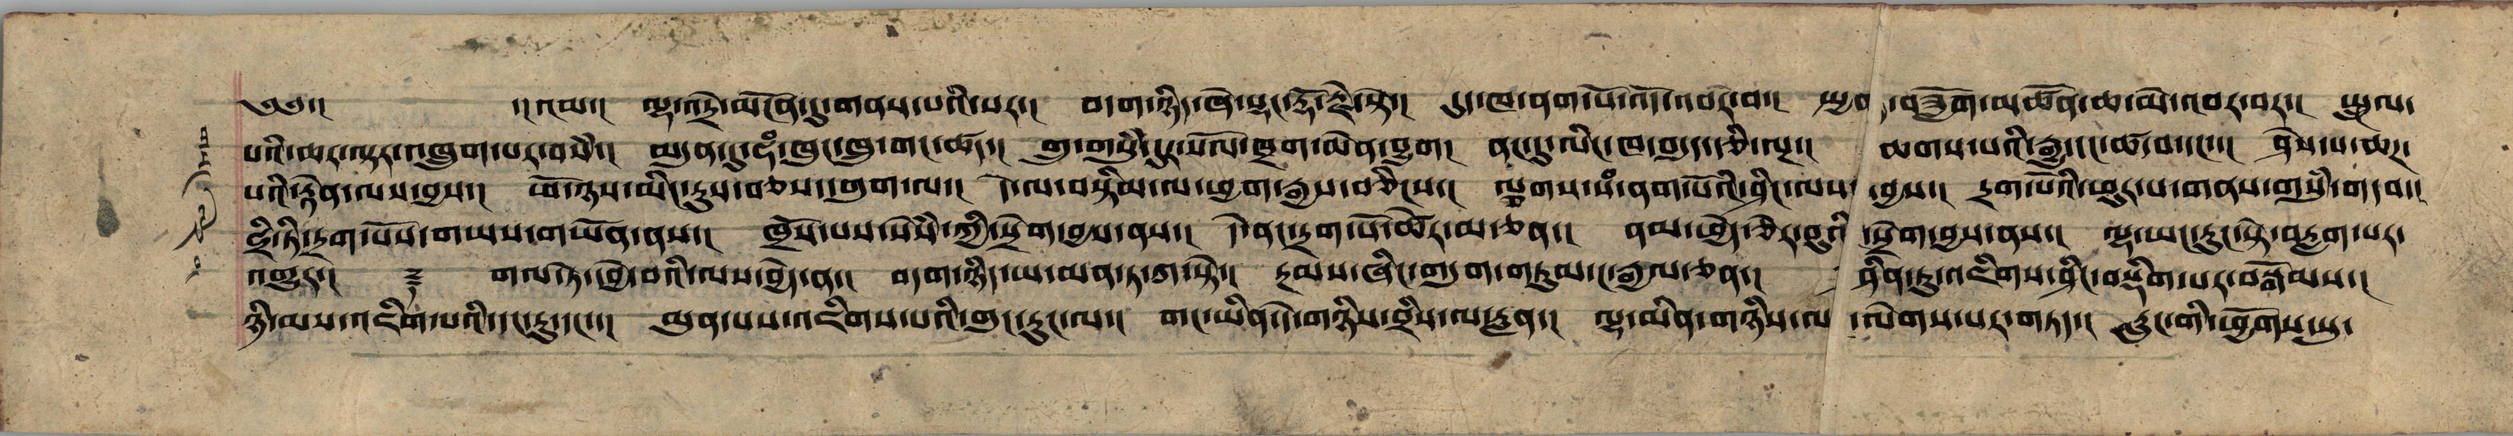༄༅་། ་།འམ་། ལྷ་འདྲེ་མངོན་དུ་གནས་པའི་སར་། བདག་ཉིད་ཞེ་སྡང་རྡོ་རྗེ་སྟེ་། དུད་ཁ་ནག་པོ་འདོ་འབར་བ་། སྤྱན་བཟློག་མཚོན་ཆ་མེ་འབར་བར་། སྤྲུལ་
པའི་ཆར་ལྟར་འཁྲུག་པར་བསཾ་། མདུན་དུ་ཧཾ་ཁུང་ཁྲུ་གང་ཚད་། གྲུ་གསུཾ་དུར་སོལ་ཁྲག་མེན་བྱུག་། ནང་དུ་ལིང་ཁ་བདུད་རྩི་ལྔ་། ཆགས་པའི་རྒྱུ་དང་ཚ་བ་དང་། ཤེས་པ་ཆཌ་
པའི་རྟེན་ལས་བྱས། ཕོ་ཉས་མིང་རུས་བཅས་དགུག་ལ་། དེ་ལ་བསྟིམ་ལ་ཕྱག་རྒྱས་བཅིངས་། ལྕགས་སཾ་ནག་པོའི་ཤིང་ལས་བྱས་། དྲག་པོའི་ཕུར་པ་གནས་གསུཾ་གདབ་།
ཧྲི་ཏི་དྲག་པོས་གཡས་གཡོན་ནས་། ཁྲོས་པས་སེཾས་ཀྱི་སྲེག་བྱས་ནས་། དེ་ནང་དྲག་པོ་ཚེར་མ་ཅན་། ནམ་ཕྱེད་ཅེར་བུའི་སྲེག་བྱས་ནས་། ལྷ་ཡང་རུང་སྟེ་བརླག་པར་
འགྱུར་། ࿑ གལ་ཏེ་དབྱེ་བའི་ལས་བྱེད་ན་། བདག་ཉིད་ཡ་མན་ཏ་ཀ་སྟེ་། རྔམས་ཞིང་གདུག་གཏུམ་ང་རྒྱལ་ཅན་། ཤིན་ཏུ་འཇིགས་ཤིང་བསྡིག་པར་བསྒོམས་།
ཉི་མས་འཇིག་པའི་དང་རུ་དང་་། མུན་པས་འཇིགས་པའི་གུང་རུང་ལ་། གང་ཡིན་དེ་གཉིས་བྲིས་ལ་རླན་། ལྷ་མིན་གཉིས་ལ ་ལེགས་པར་གཏད་། རླུང་གི་ཕྱོགས་སུ་